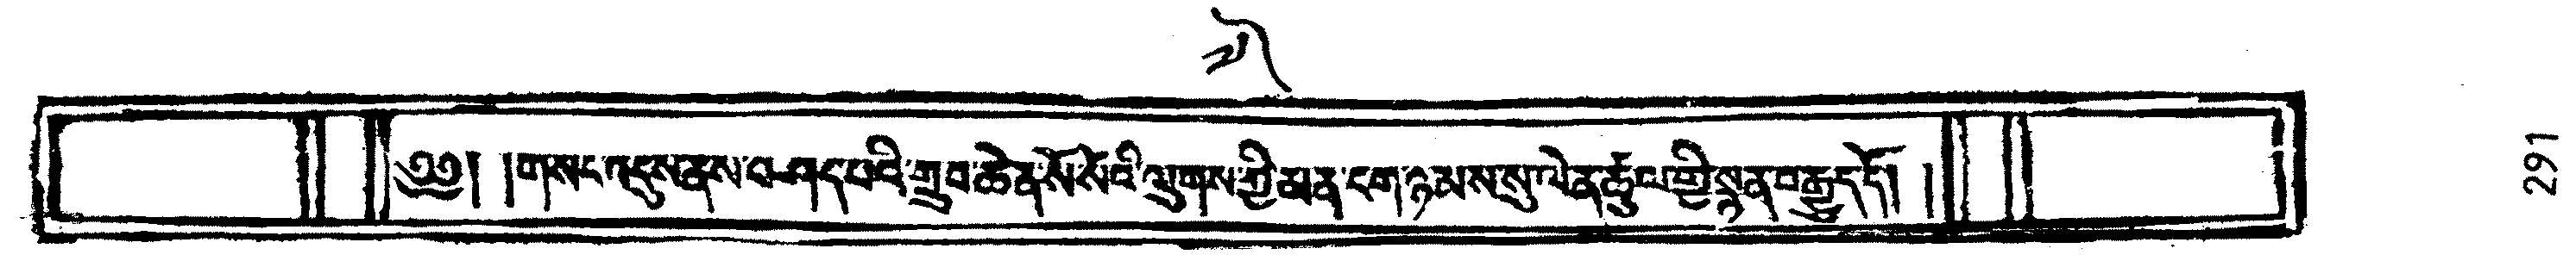༄༅། །གསང་འདུས་ནས་བཤད་པའི་གྲུབ་ཆེན་སོ་སོའི་ལུགས་ཀྱི་མན་ངག་ཉམས་སུ་ལེན་ཚུལ་གྱི་སྙན་བརྒྱུད་དོ།།